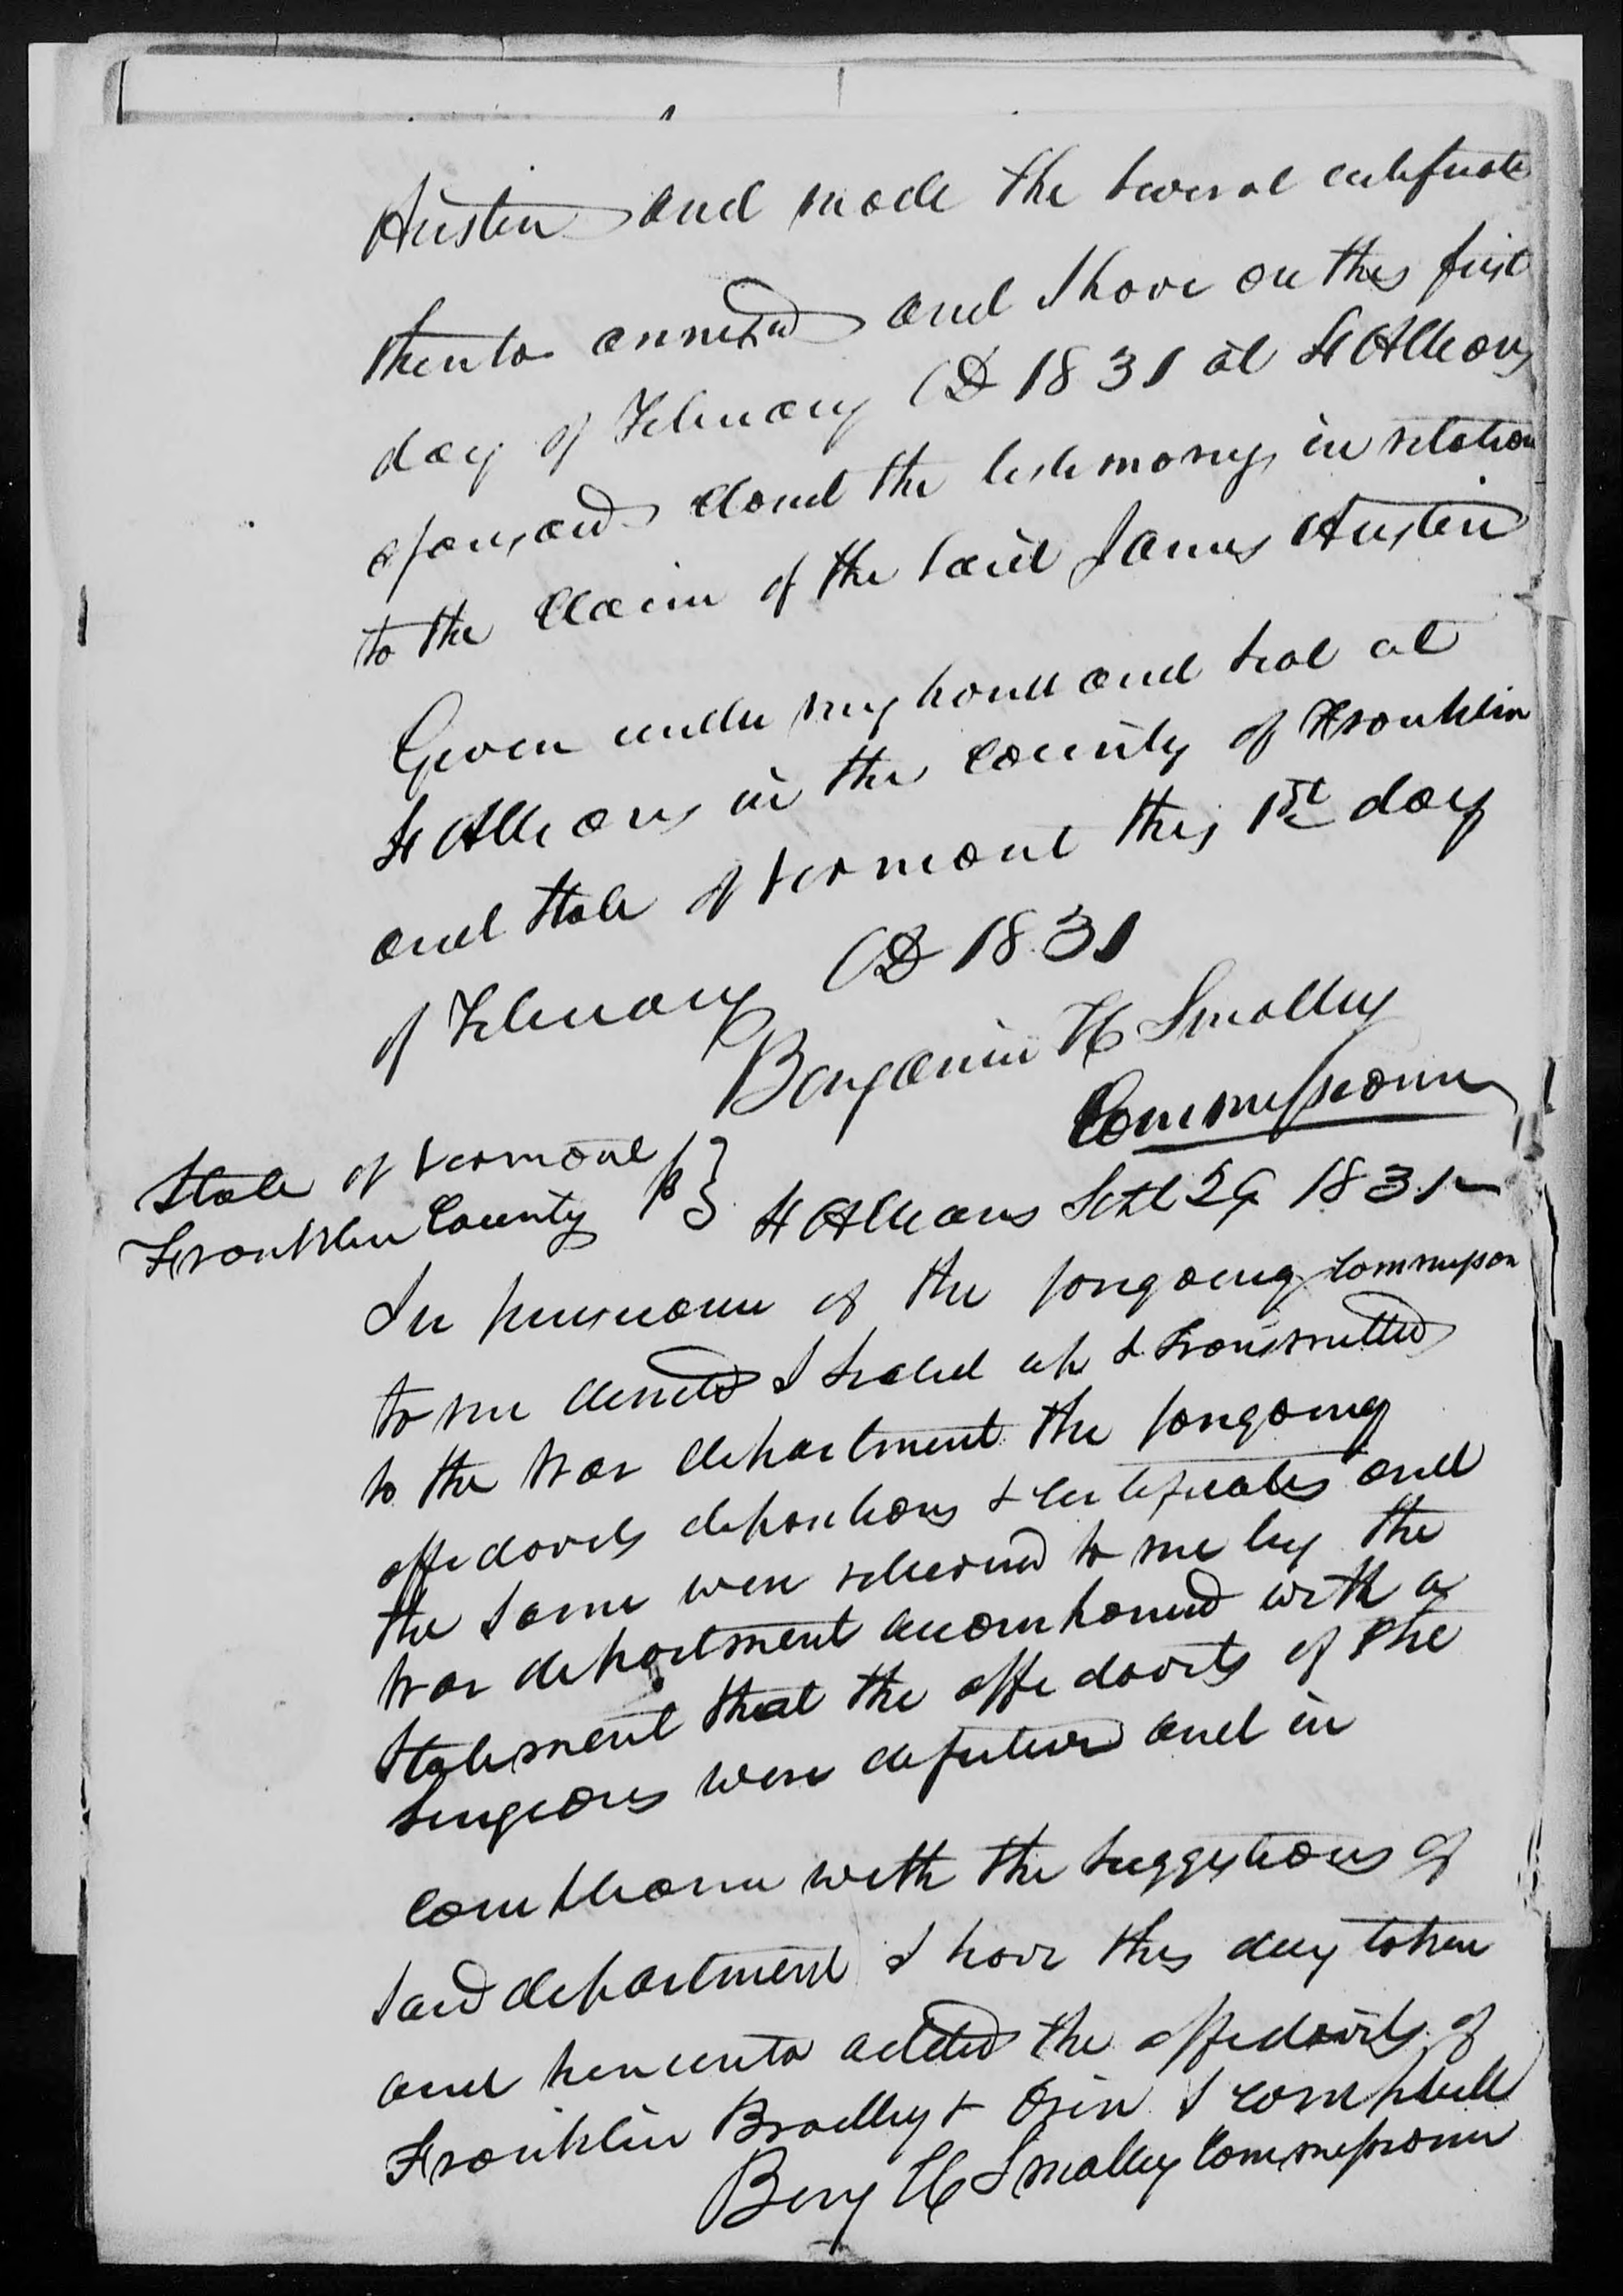Austin and made the several certificates thereto annexed and I have on this first day of February AD 1831 at St Albans aforesaid closed the testimony in relation to the claim of the said James Austin

Given under my hand and [illegible] at St Albans in the County of Franklin and State of Vermont this 1st day of February AD 1831
Benjamin H Smalley Commissioner

State of Vermont   } St Albans Sept 29 Franklin County ss }1831--
In [illegible] of the [illegible] commission to me under I sealed up & transmitted to the War Department the foregoing affidavits depositions & certificates and the same was [illegible] to me by the War Department accompanied with a statement that the affidavits of the surgeons were [illegible] and in conform with the suggestions of said department I have this day taken and [illegible] added the affidavits of Franklin Bradley & Orin S Campbell 
Benj H Smalley Commissioner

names: James Austin, Benj H Smalley, Benjamin H Smalley, Austin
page: 65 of 100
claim: survivor's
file: S 19186, James Austin, Conn. New York R.I.